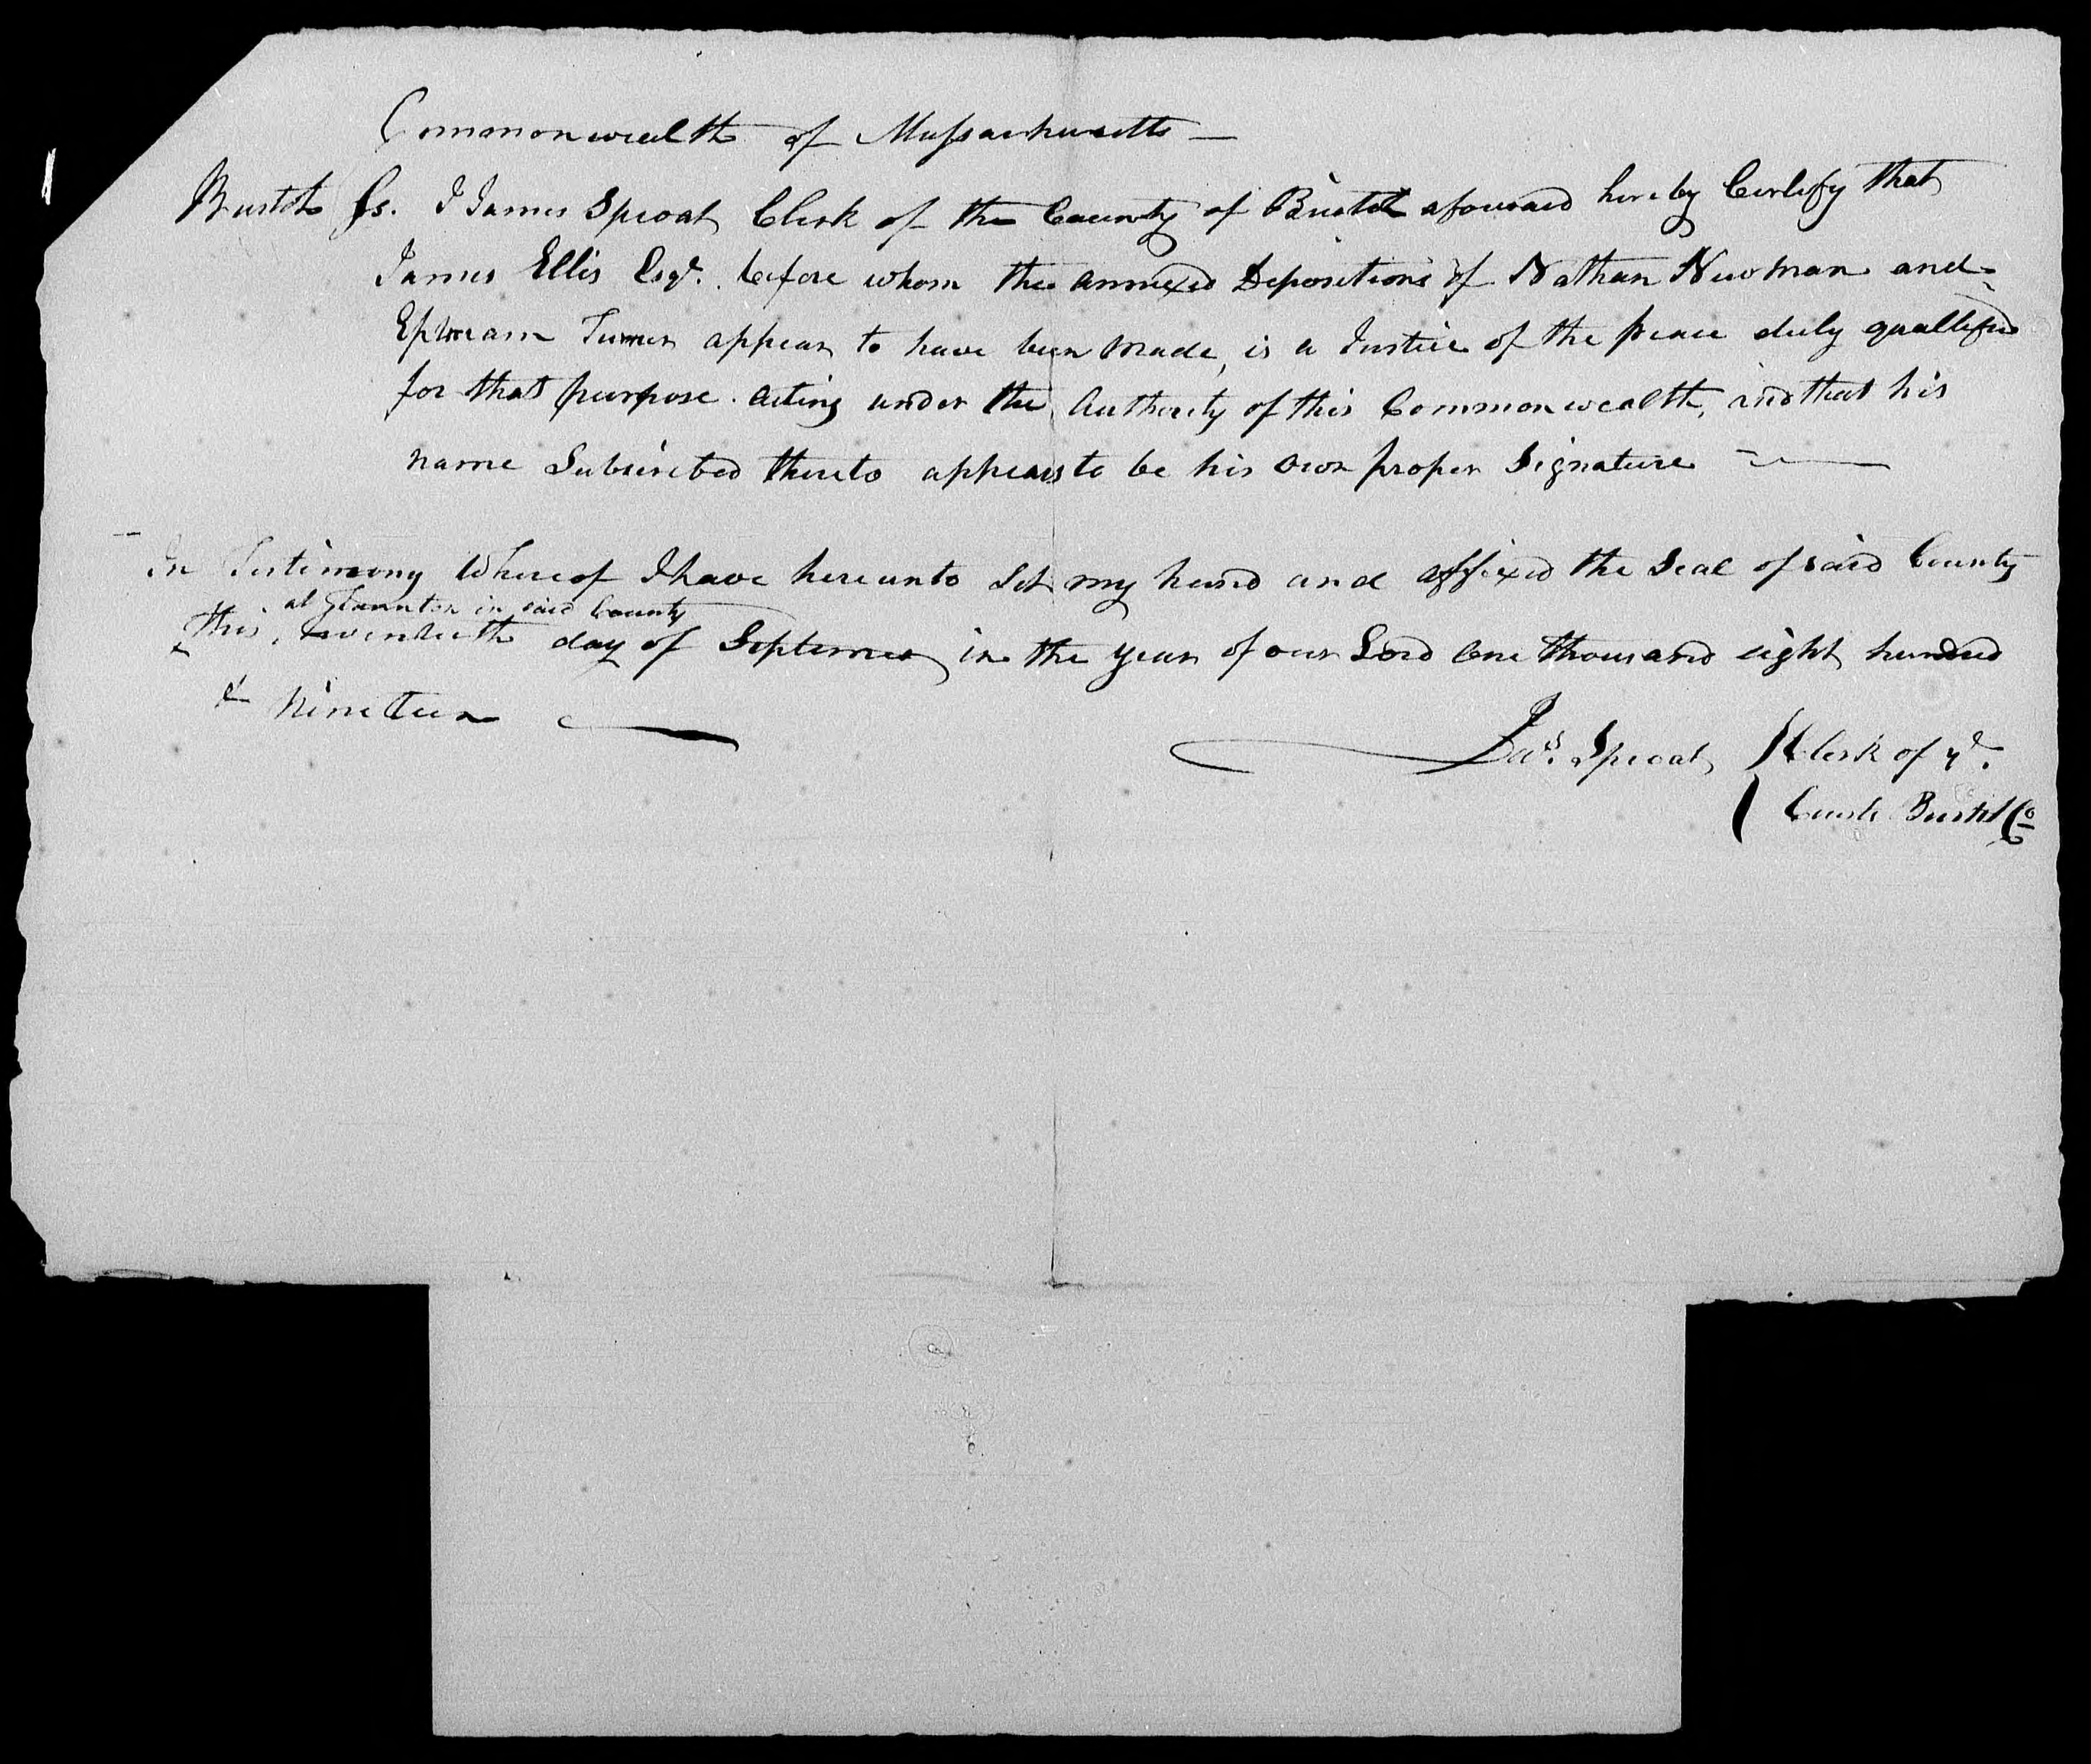Commonwealth of Massachusetts 
Bristol ss. 
I James Sproat, Clerk of the County of Bristol aforesaid hereby certify that James Ellis Esq. before whom the annexed Depositions of Nathan Newman and Ephraim Turner appear to have been made, is a Justice of the Peace duly qualified for that purpose acting under the Authority of this Commonwealth and that his name subscribed thereto appears to be his good proper signature - 

 In testimony where of I have hereunto set my hand and affixed the Seal of said County at Stranton in said County this, seventeenth day of September in the Year of our Lord one thousand eight hundred & nineteen - 
Jas. Sproat, { Clerk of 
County Bristol Co.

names: Jas Sproat, Nathan Newman, James Sproat, James Ellis, Ephream Turner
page: 22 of 29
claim: survivor's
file: S. 18830, Daniel Fuller, Mass.